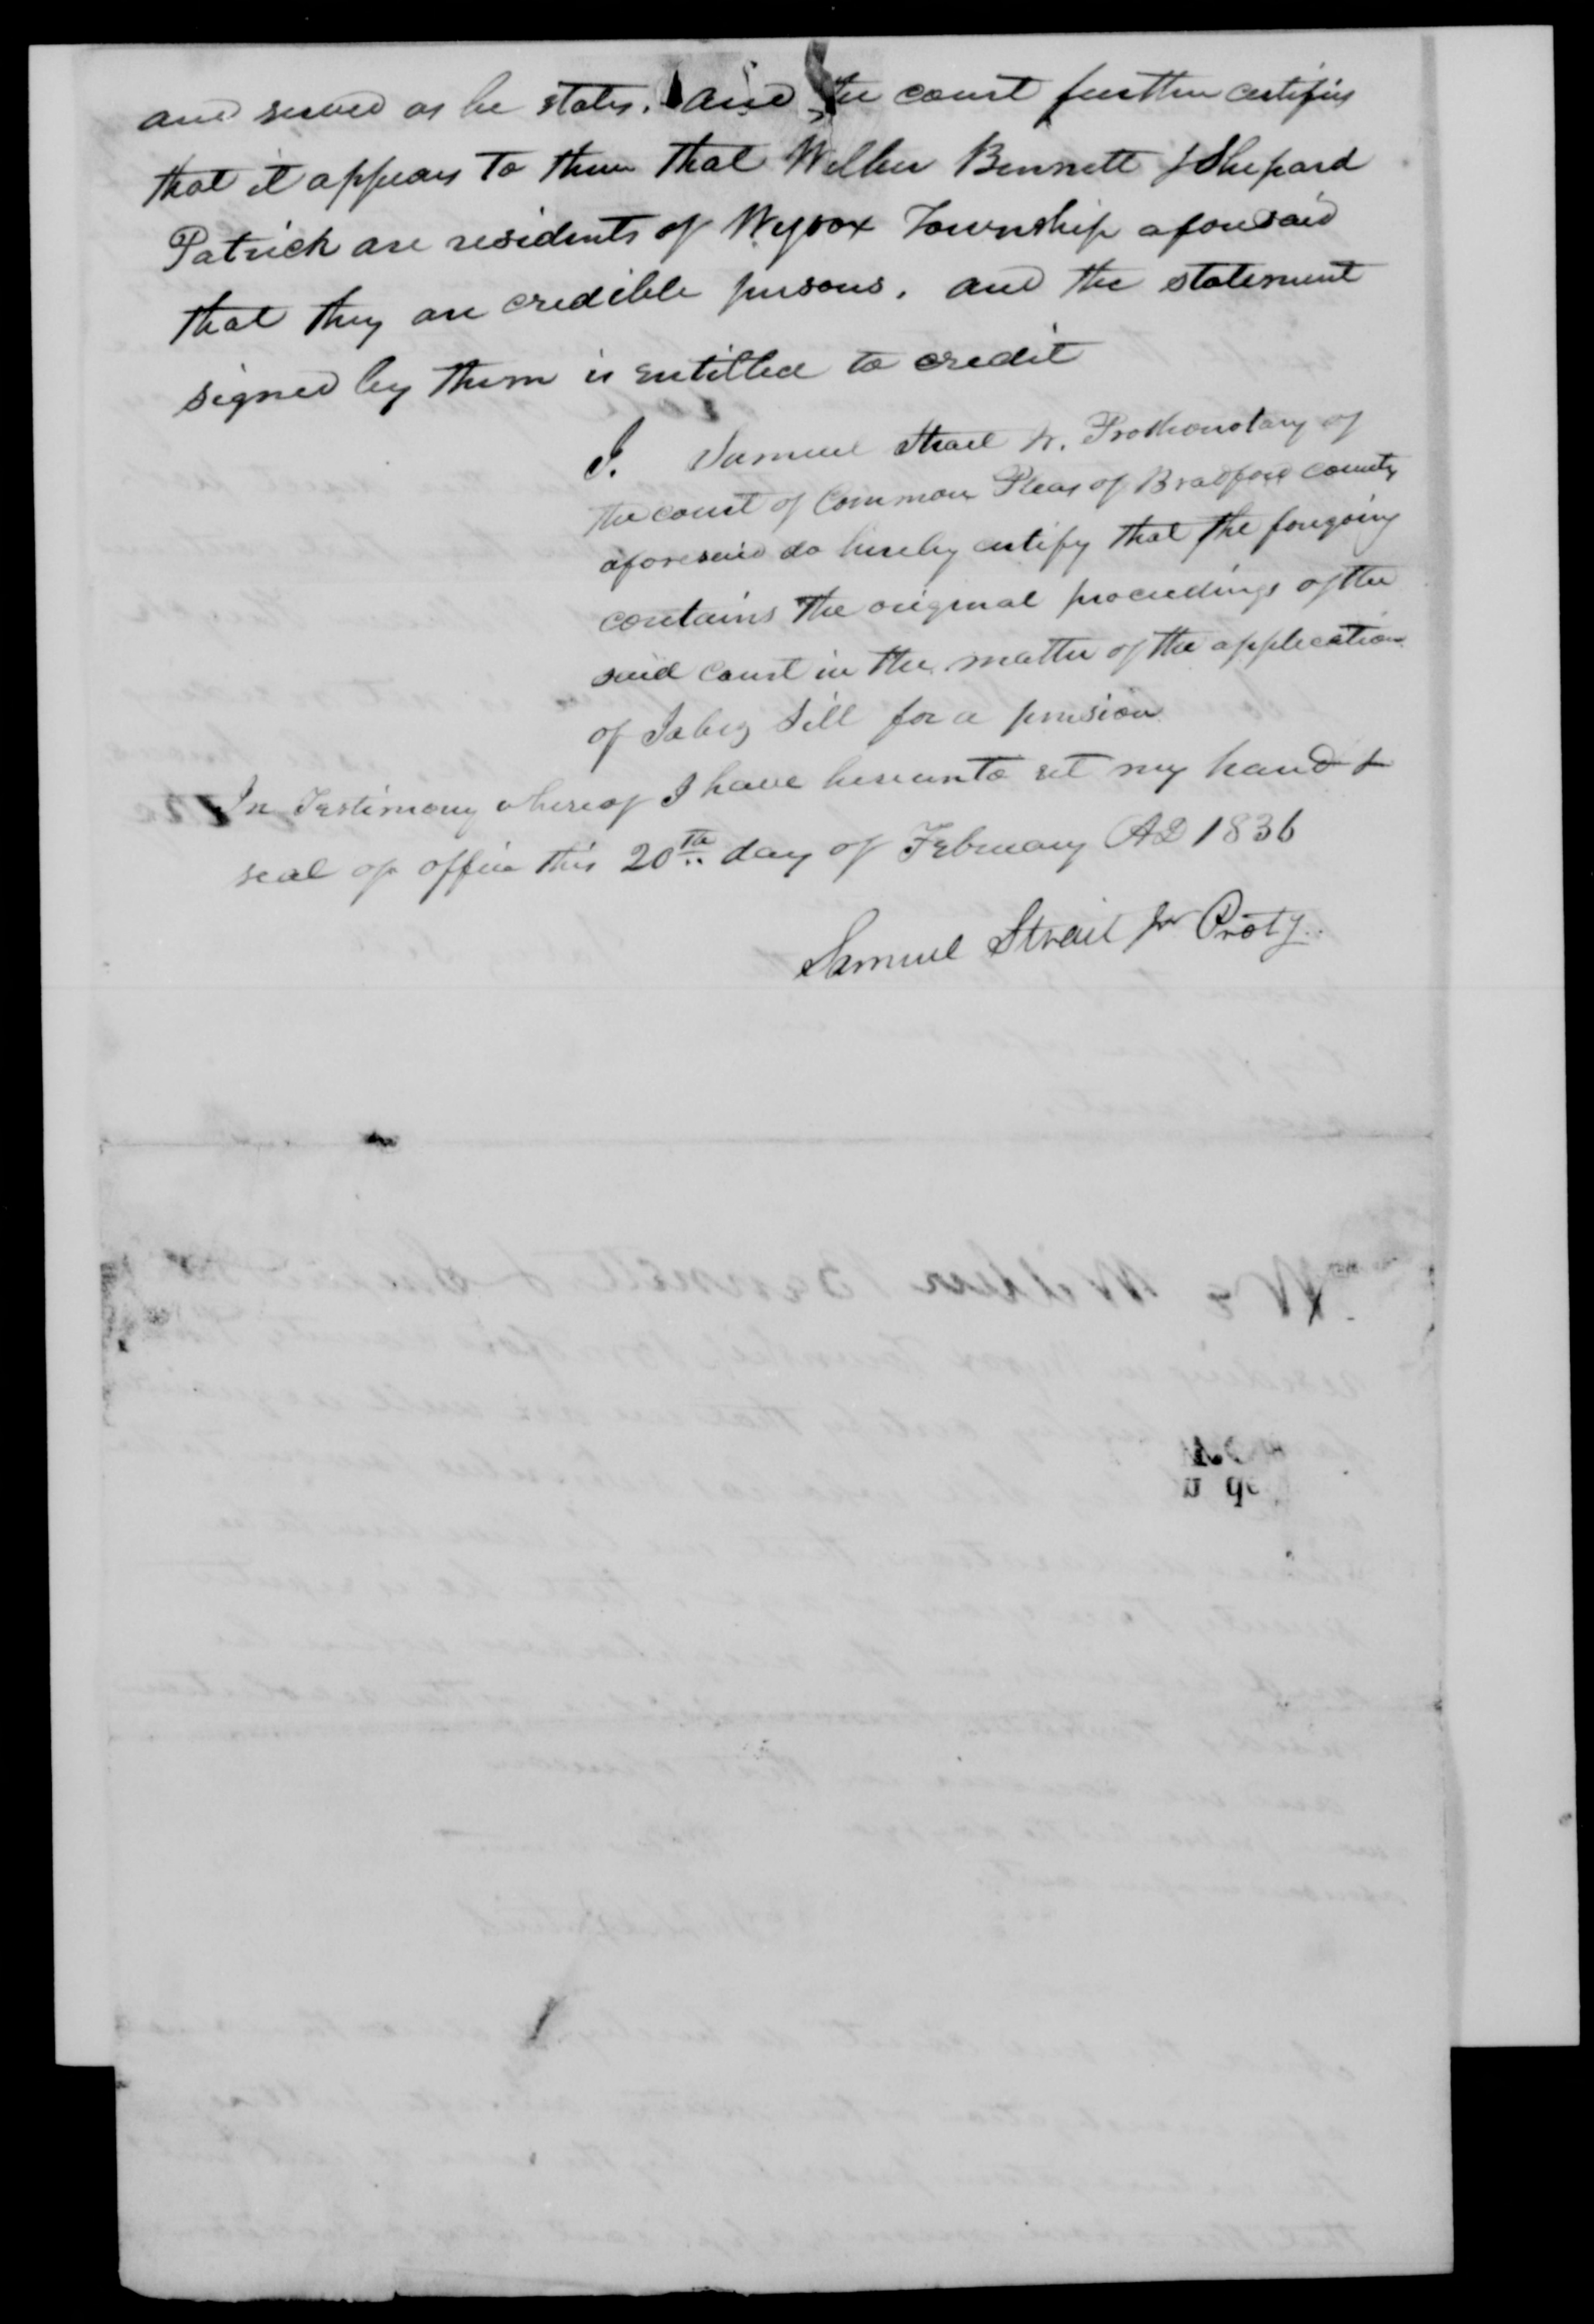And served as he states, and the court further certifies that it appears to them that Wilber Bennett, J. Shepard Patrick are residents of Mysox Township aforesaid that they are credible persons, and the statement signed by them is entitled to credit. 
I, Samuel Strait Jr, Prothonotary of the court of Common Pleas of Bradford County aforesaid do hereby certify that the foregoing contains the original proceedings of the said Court in the matter of the application of Jabez Sill for a pension. 
In testimony thereof I have hereunto set my hand & seal of Office this 20th day of February AD 1836
/s/ Samuel Strait Jr. Proty…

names: Jabez Sill; Shepard Patrick; Wilber Bennett; Samuel Strait; Samuel Strait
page: 7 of 29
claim: rejected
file: R. 9570, for Jabez Sill, Connecticut